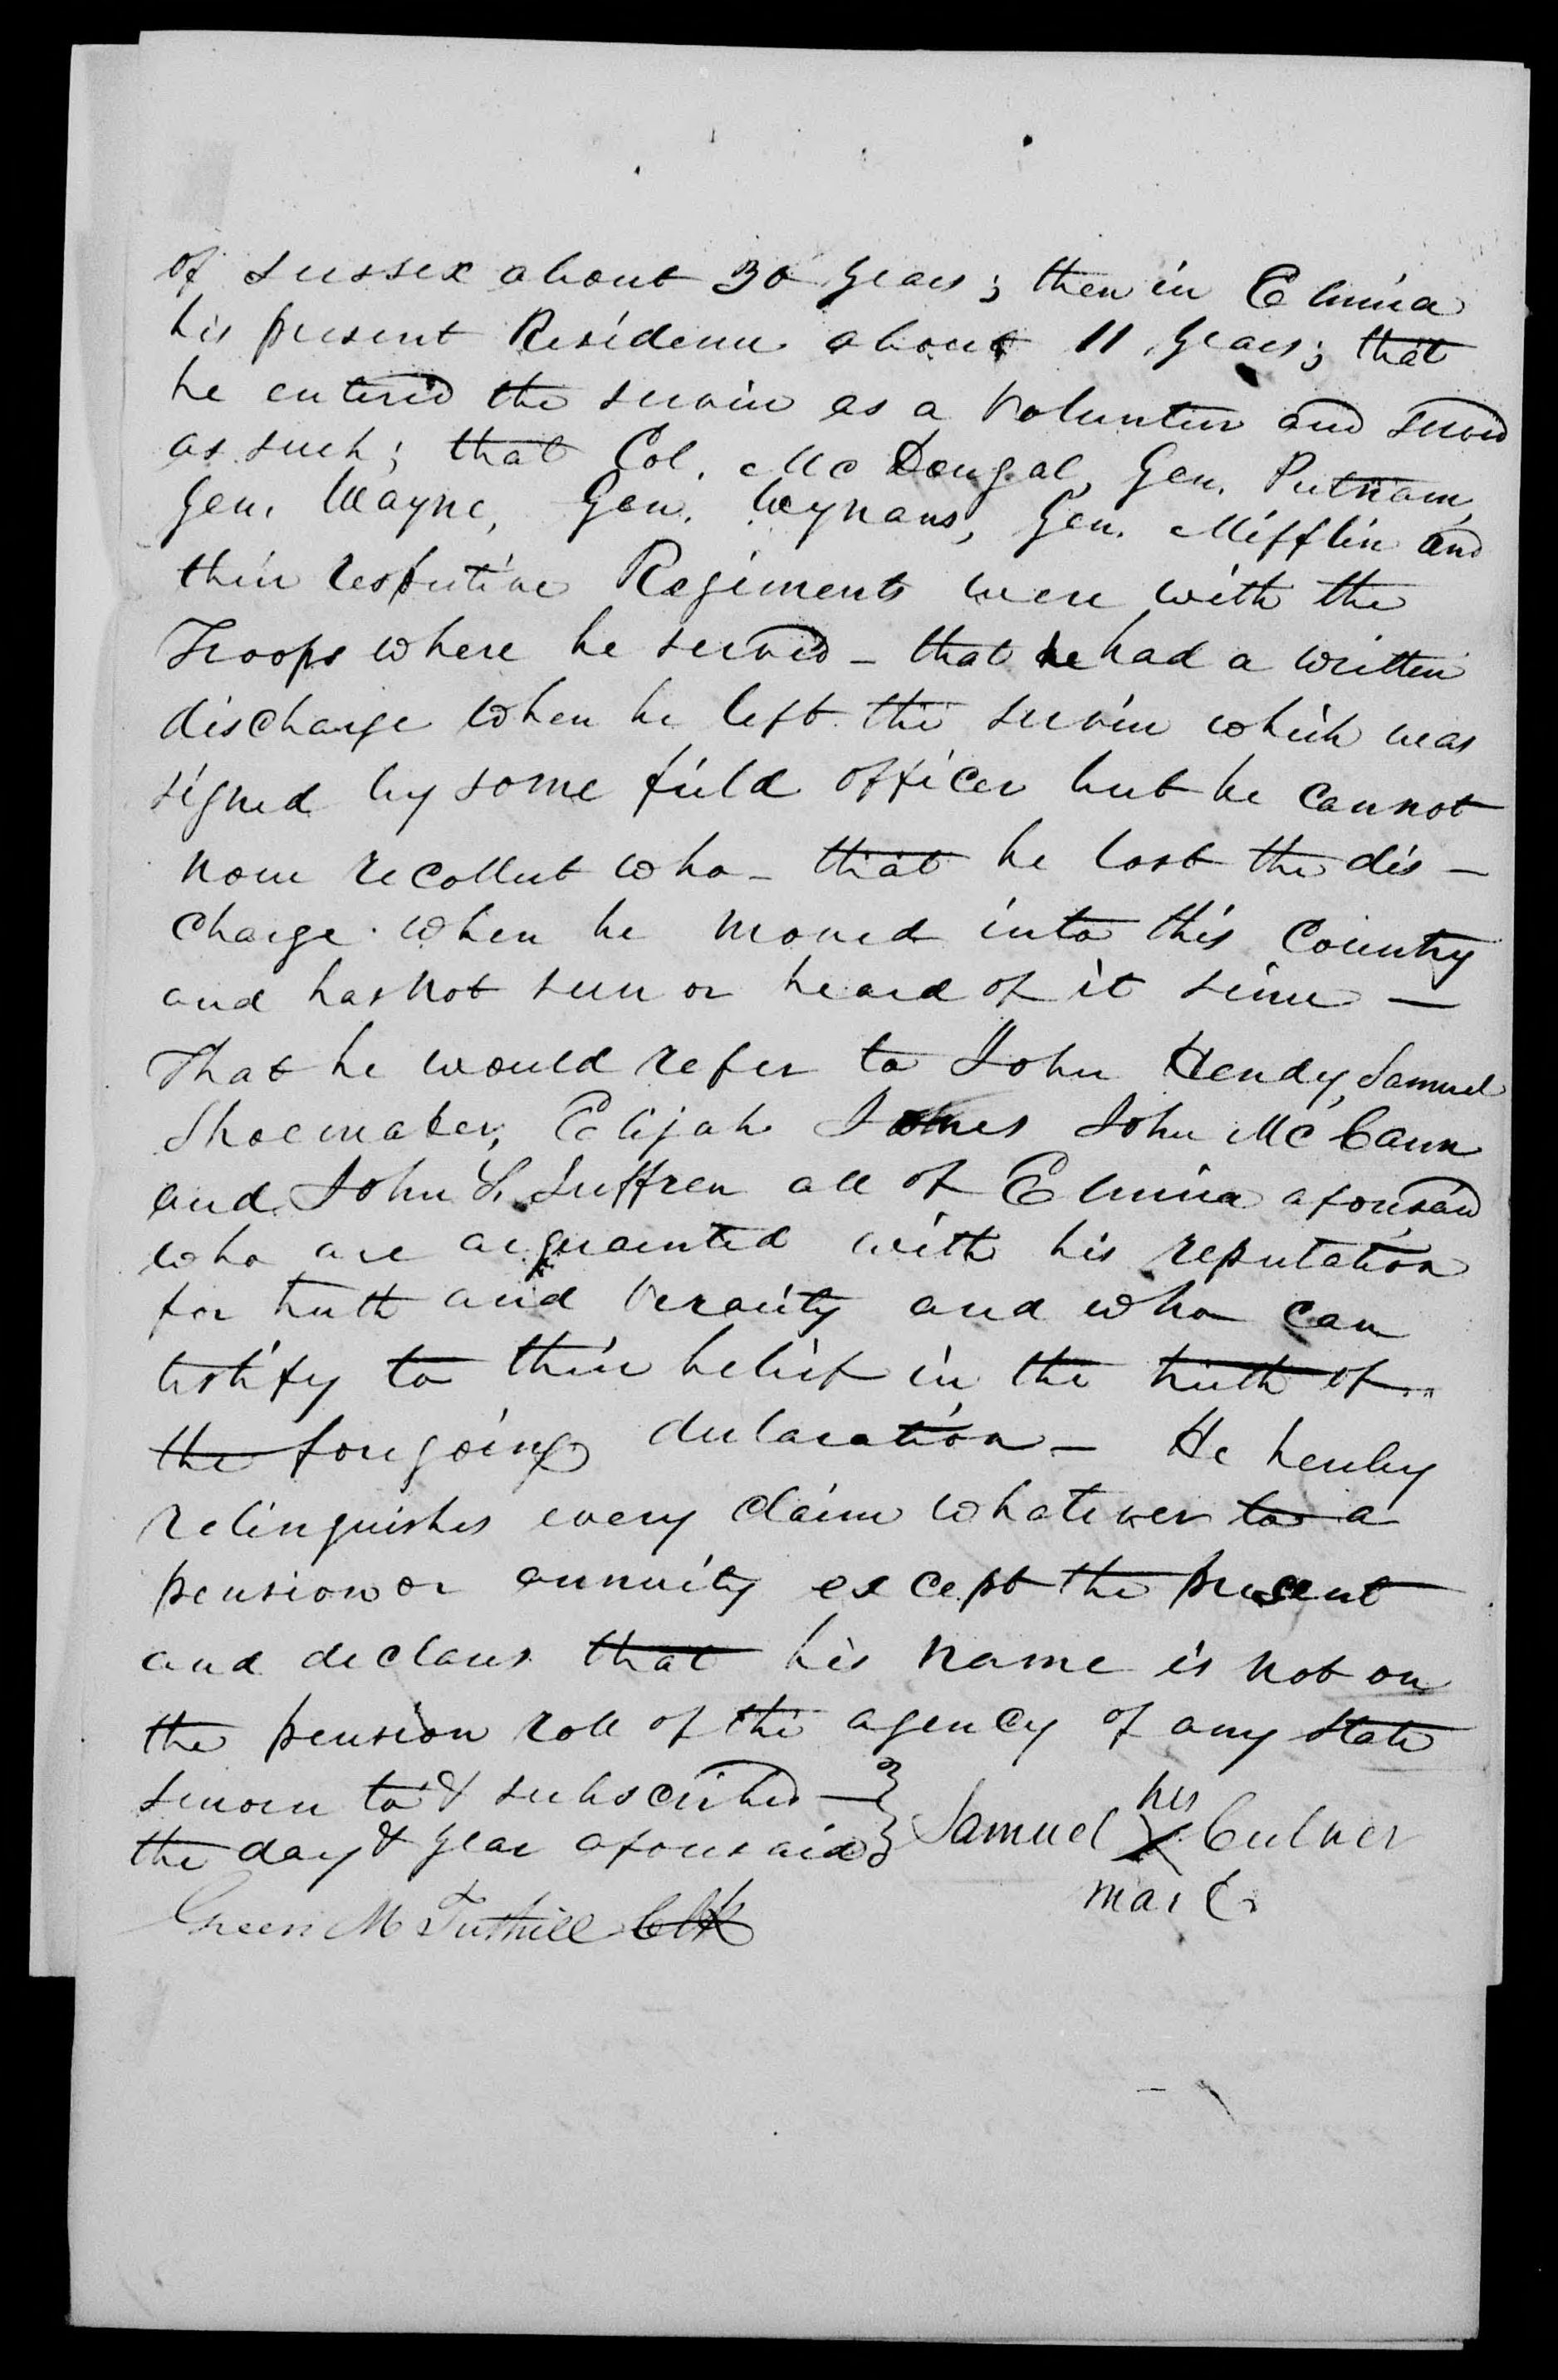of Sussex about 30 years; then in Elmira
his present Residence about 11 years; that 
he entered the service as a volunteer and served
as such; that Co. McDougal, Gen. Putnam, 
Gen. Wayne, Gen. Wynans, Gen. Mifflin and 
Their respective Regiments were with the
Troops where he served – that he has a written
discharge when he left the service which was
signed by some field officer but he cannot 
now recollect who – that he lost the dis-
charge when he moved into this county 
and he has not been or heard of it since – 
That he would refer to John Hendy, Samuel 
Shoemaker, Elijah James, John McCann 
and John S. Suffren all of Elmira aforesaid
who are acquainted with his reputation
for truth and veracity and who can 
testify to their belief in the truth of 
the foregoing declaration – He hereby
relinquishes every claim whatever to a 
pension or annuity except the present
and declares that his name is not on
the pension roll of the agency of any State

Sworn to & subscribed 
the day & year aforesaid	Samuel Culver
Green M Tuthill [signature]	X his mark
Clerk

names: Samuel Culver, Putnam, Samuel Shoemaker, John Mc Cann, John S Suffren, Mc Dougal, Mifflin, Wayne, Wynans, Elijah Jones, John Hendy, Green M Tuthill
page: 8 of 40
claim: rejected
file: R. 1,570, Samuel Culver, New Jersey